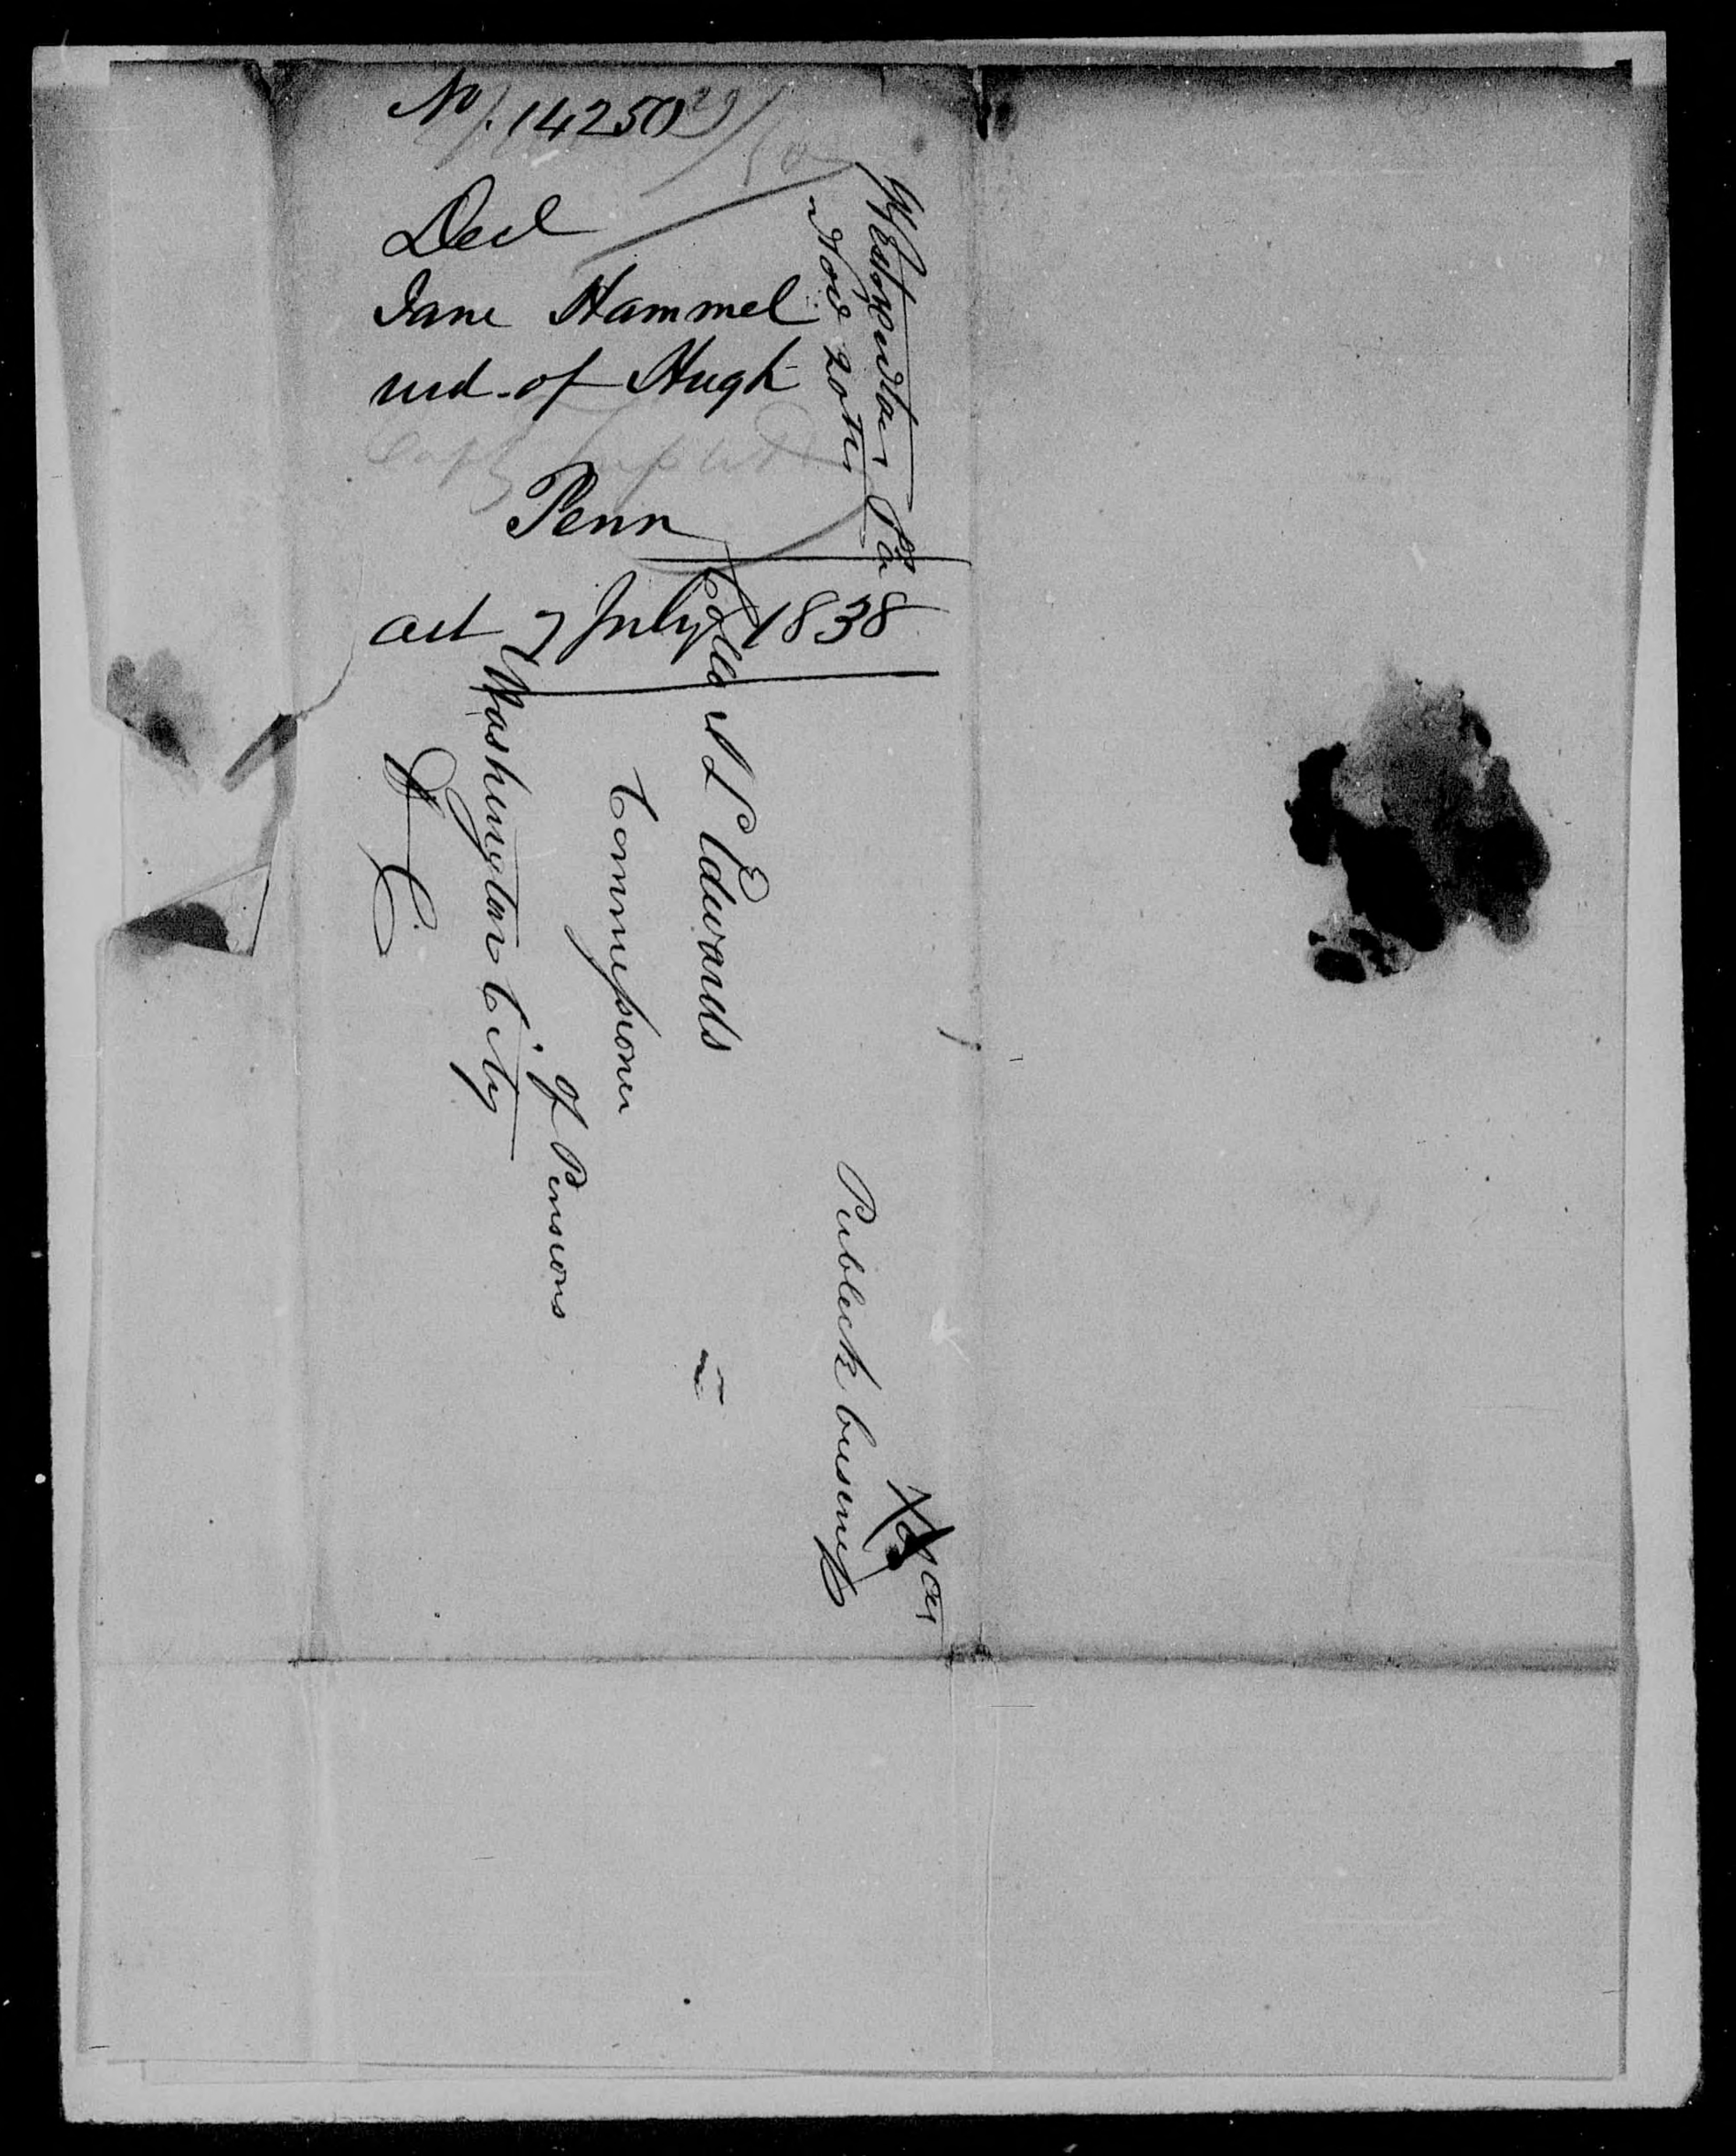No. 14250
Dec
Jane Hammel
recd. of Hugh
Penn
Add 7 July 1838

Com J L Edwards
Commissioner of Pensions
Washington City


West Newton Pa 
Nov 20th
Publick business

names: Hugh Hammel, Triplett, J L Edwards, Jane Hammel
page: 90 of 92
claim: widow's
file: W 1173, Robert Hamill, Penn.